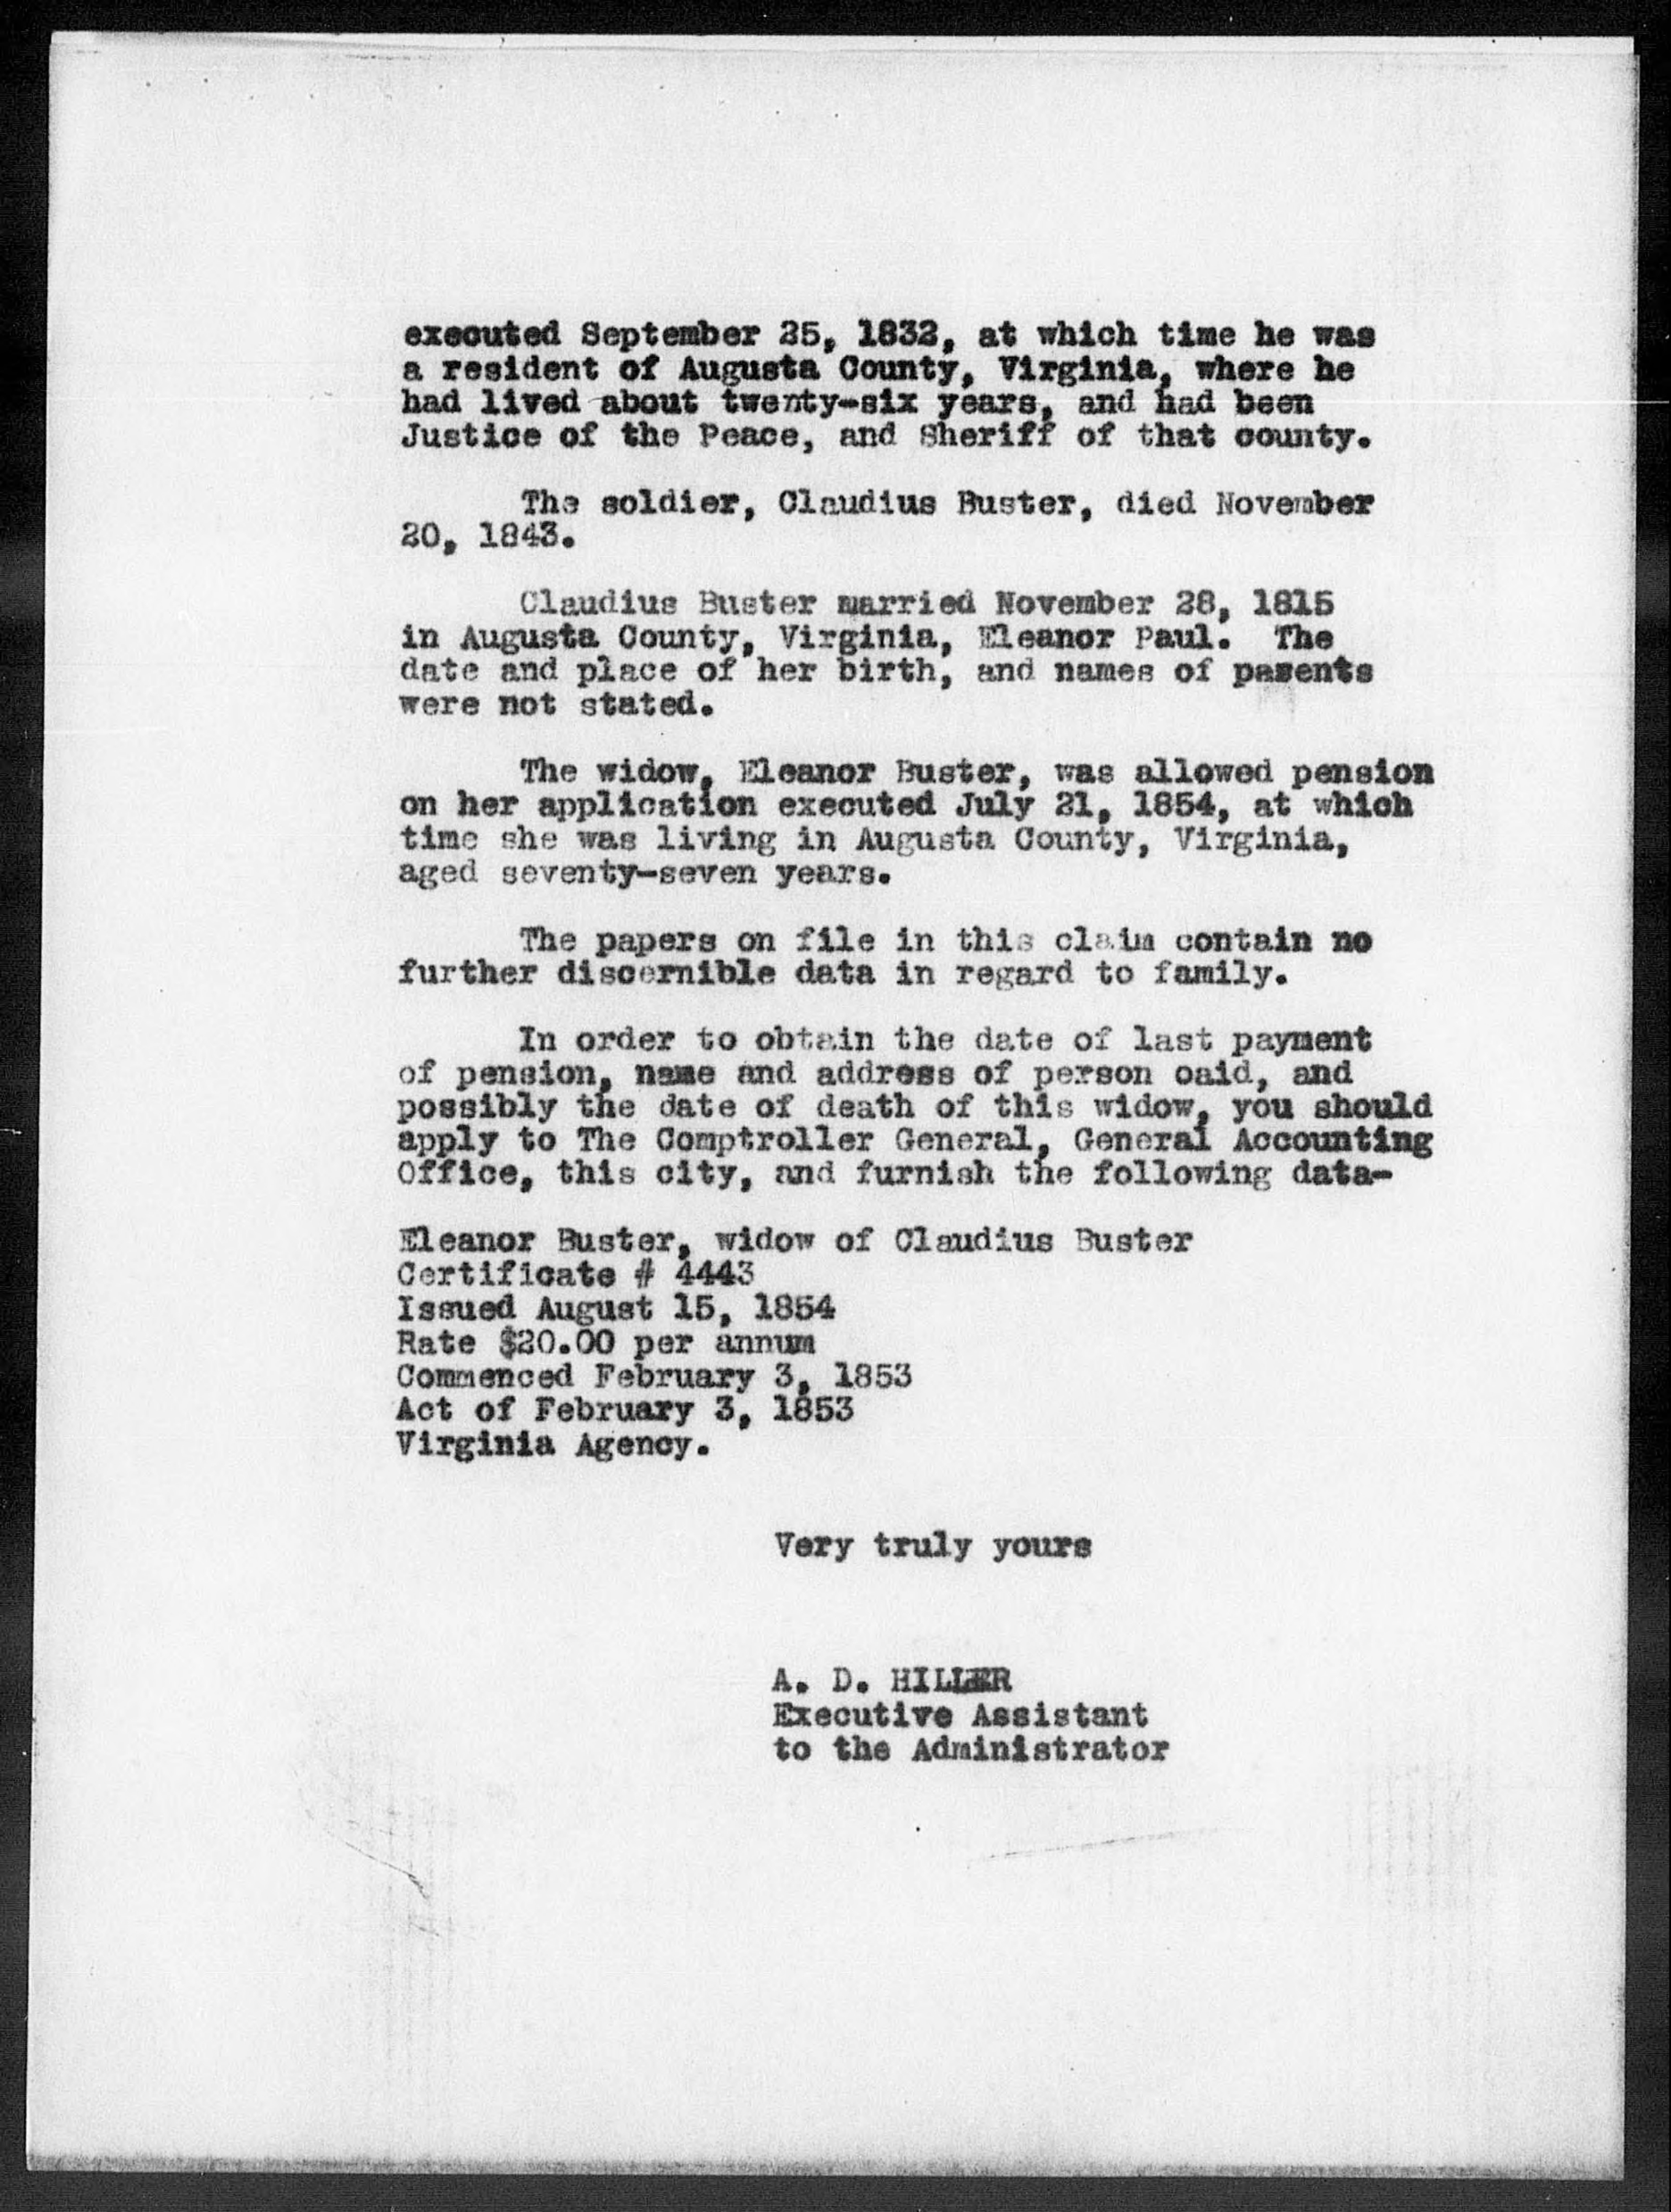executed September 25, 1832, at which time he was a resident of Augusta County, Virginia, where he had lived about twenty-six years, and had been Justice of the Peace, and Sheriff of that county.

The soldier, Claudius Buster, died November 20, 1843.

Claudius Buster married November 28, 1815 in Augusta County, Virginia, Eleanor Paul. the date and place of her birth, and names of parents were not stated.

The widow, Eleanor Buster, was allowed pension on her application executed July 21, 1854, at which time she was living in Augusta County, Virginia, aged seventy-seven years.


The papers on file in this claim contain no further discernible data in regard to family.

In order to obtain the date of last payment, name and address of person paid, and possibly the date of death of this widow, you should apply to The Comptroller General, General Accounting Office, this city, and furnish the following data-

Eleanor Buster, widow of Claudius Buster
Certificate #4443
Issued August 15, 1854
Rate $20.00 per annum
Commenced February 3, 1853
Act of February 3, 1853
Virginia Agency.

Very truly yours
A. D. HILLER
Executive Assistant
to the Administrator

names: Claudius Buster, Eleanor Paul, Claudius Buster, Claudius Buster, A D Hiller, Eleanor Buster, Eleanor Buster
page: 20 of 71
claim: widow's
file: W. 25310, Claudius Buster, Va.